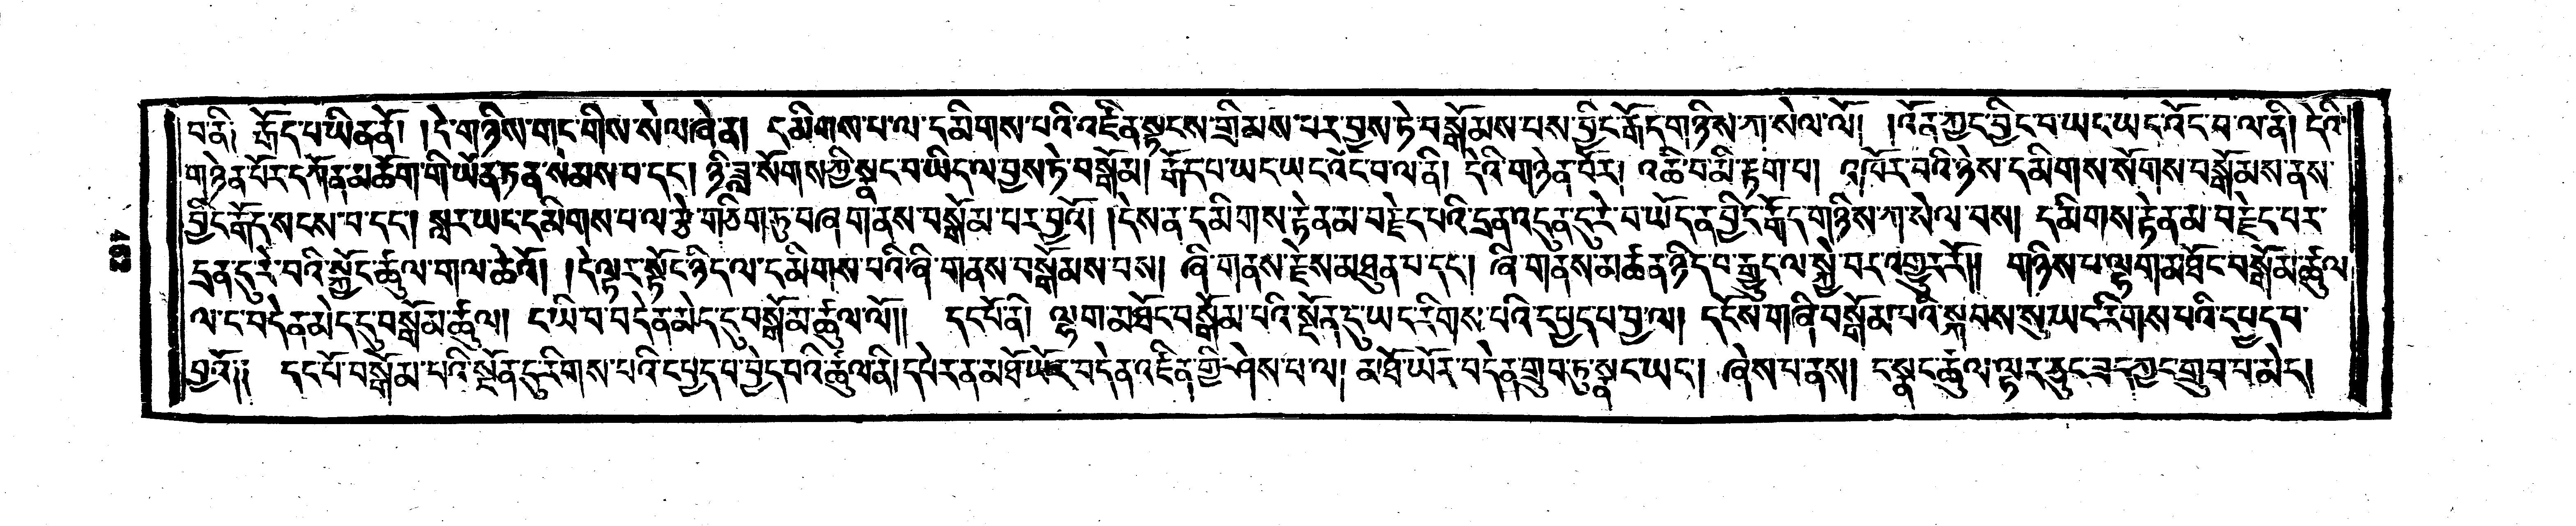བ་ནི། རྒོད་པ་ཡིན་ནོ། །དེ་གཉིས་གང་གིས་སེལ་ཞེ་ན། དམིགས་པ་ལ་དམིགས་པའི་འཛིན་སྟངས་གྲིམས་པར་བྱས་ཏེ་བསྒོམས་པས་བྱིང་རྒོད་གཉིས་ཀ་སེལ་ལོ། །འོན་ཀྱང་བྱིང་བ་ཡང་ཡང་འོང་བ་ལ་ནི། དེའི་
གཉེན་པོར་དཀོན་མཆོག་གི་ཡོན་ཏན་སེམས་པ་དང་། ཉི་ཟླ་སོགས་ཀྱི་སྣང་བ་ཡིད་ལ་བྱས་ཏེ་བསྒོམ། རྒོད་པ་ཡང་ཡང་འོང་བ་ལ་ནི། དེའི་གཉེན་པོར། འཆི་བ་མི་རྟག་པ། འཁོར་བའི་ཉེས་དམིགས་སོགས་བསྒོམས་ནས་
བྱིང་རྒོད་སངས་བ་དང་། སླར་ཡང་དམིགས་པ་ལ་རྩེ་གཅིག་ཏུ་བཞག་ནས་བསྒོམ་པར་བྱའོ། །དེས་ན་དམིགས་རྟེན་མ་བརྗེད་པའི་དྲན་འདུན་དུ་རེ་བ་ཡོད་ན་བྱིང་རྒོད་གཉིས་ཀ་སེལ་བས། དམིགས་རྟེན་མ་བརྗེད་པར་
དྲན་དུ་རེ་བའི་སྐྱོང་ཚུལ་གལ་ཆེའོ། །དེ་ལྟར་སྟོང་ཉིད་ལ་དམིགས་པའི་ཞི་གནས་བསྒོམས་པས། ཞི་གནས་རྗེས་མཐུན་པ་དང་། ཞི་གནས་མཚན་ཉིད་པ་རྒྱུད་ལ་སྐྱེ་བར་འགྱུར་རོ། །གཉིས་པ་ལྷག་མཐོང་བསྒོམ་ཚུལ་
ལ་ང་བདེན་མེད་དུ་བསྒོམ་ཚུལ། ང་ཡི་བ་བདེན་མེད་དུ་བསྒོམ་ཚུལ་ལོ། །དང་པོ་ནི། ལྷག་མཐོང་བསྒོམ་པའི་སྔོན་དུ་ཡང་རིགས་པའི་དཔྱད་པ་བྱ་ལ། དངོས་གཞི་བསྒོམ་པའི་སྐབས་སུ་ཡང་རིགས་པའི་དཔྱད་པ་
བྱའོ། །དང་པོ་བསྒོམ་པའི་སྔོན་དུ་རིགས་པའི་དཔྱད་པ་བྱེད་པའི་ཚུལ་ནི། དཔེར་ན་མཐོ་ཡོར་བདེན་འཛིན་གྱི་ཤེས་པ་ལ། མཐོ་ཡོར་བདེན་གྲུབ་ཏུ་སྣང་ཡང་། ཞེས་པ་ནས། ང་སྣང་ཚུལ་ལྟར་ཅུང་ཟད་ཀྱང་གྲུབ་པ་མེད།